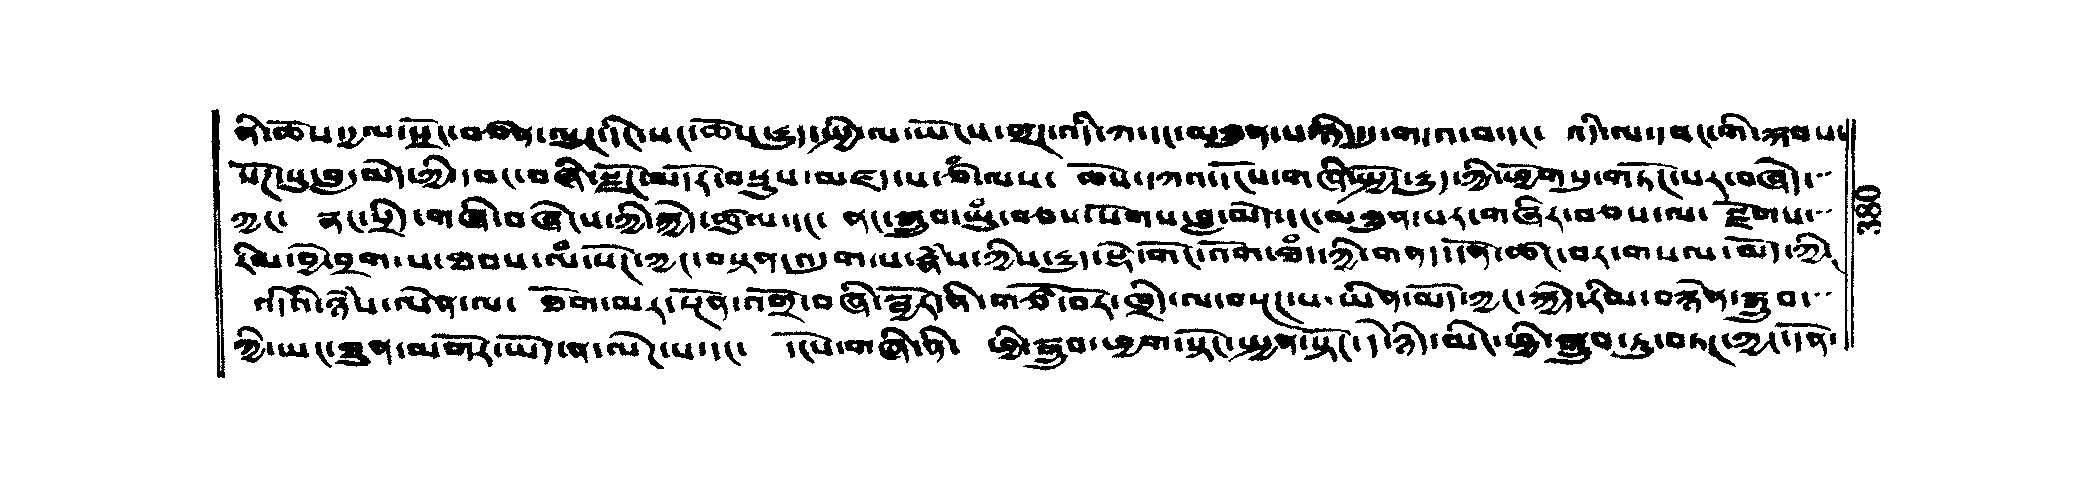ནི་ཆོས་རྒྱལ་སྲོང་བཙན་ལུགས་དིང་སང་ཆོས་རྒྱུད་སྤྱི་ལ་ཡོངས་གྲགས་འདི་ཀ་དང་མཐུན་པ་ཉིད་དུ་གདའ་བ་དང་། འདི་ལ་དབང་གི་སྐབས་
སོགས་སུ་བླ་མེད་ཀྱི་དབང་བཞི་རྫོགས་མདོར་བསྡུས་མཛད་པ་ཙམ་ལས། ཆོས་དཀའ་དངོས་གཞི་སྤྱོད་རྒྱུད་ཀྱི་ཕྱོགས་སུ་གཏོགས་པར་བཞརད་
ཀྱང་། སྣང་སྲིས་གཞི་བཞེངས་ཀྱི་བསྐྱེད་ཚུལ་དང་། ནང་སྒྲུབ་ཡུམ་བཅས་སོགས་བླ་མེད་དང་མཐུན་པར་གཞིར་བཅས་ལ། རྫོགས་
རིམ་བྱེ་བྲག་པ་ཐབས་ལམ་སོགས་ཀྱང་བསྟན་འདུག་པ་རྣམས་ཀྱིས་རྒྱུད་སྡེ་གོང་འོག་ཐམས་ཅད་ཀྱི་གནད་དོན་ཚང་བར་གསལ་མོད་ཀྱི། 
འདིའི་ཉམས་ལེན་ལ། ཐོག་མར་སྔོན་འགྲོ་བཞི་སྦྱོར་ནི་གཙོ་བོར་ཁྲིད་ལ་བསྔགས་པ་ཡིན་མོད་ཀྱང་བསྐྱེད་རིམ་བསྙེན་སྒྲུབ་
ཀྱི་ཡང་ཐུན་མགོར་ཡོད་ན་ལེགས་པ་དང་། དངོས་གཞི་ནི། ཕྱི་སྒྲུབ་ཕྱག་སྟོང་སྤྱན་སྟོང་དེ་ཉིད་མིང་ཕྱི་སྒྲུབ་ཏུ་བཏགས་ཀྱང་དོན་